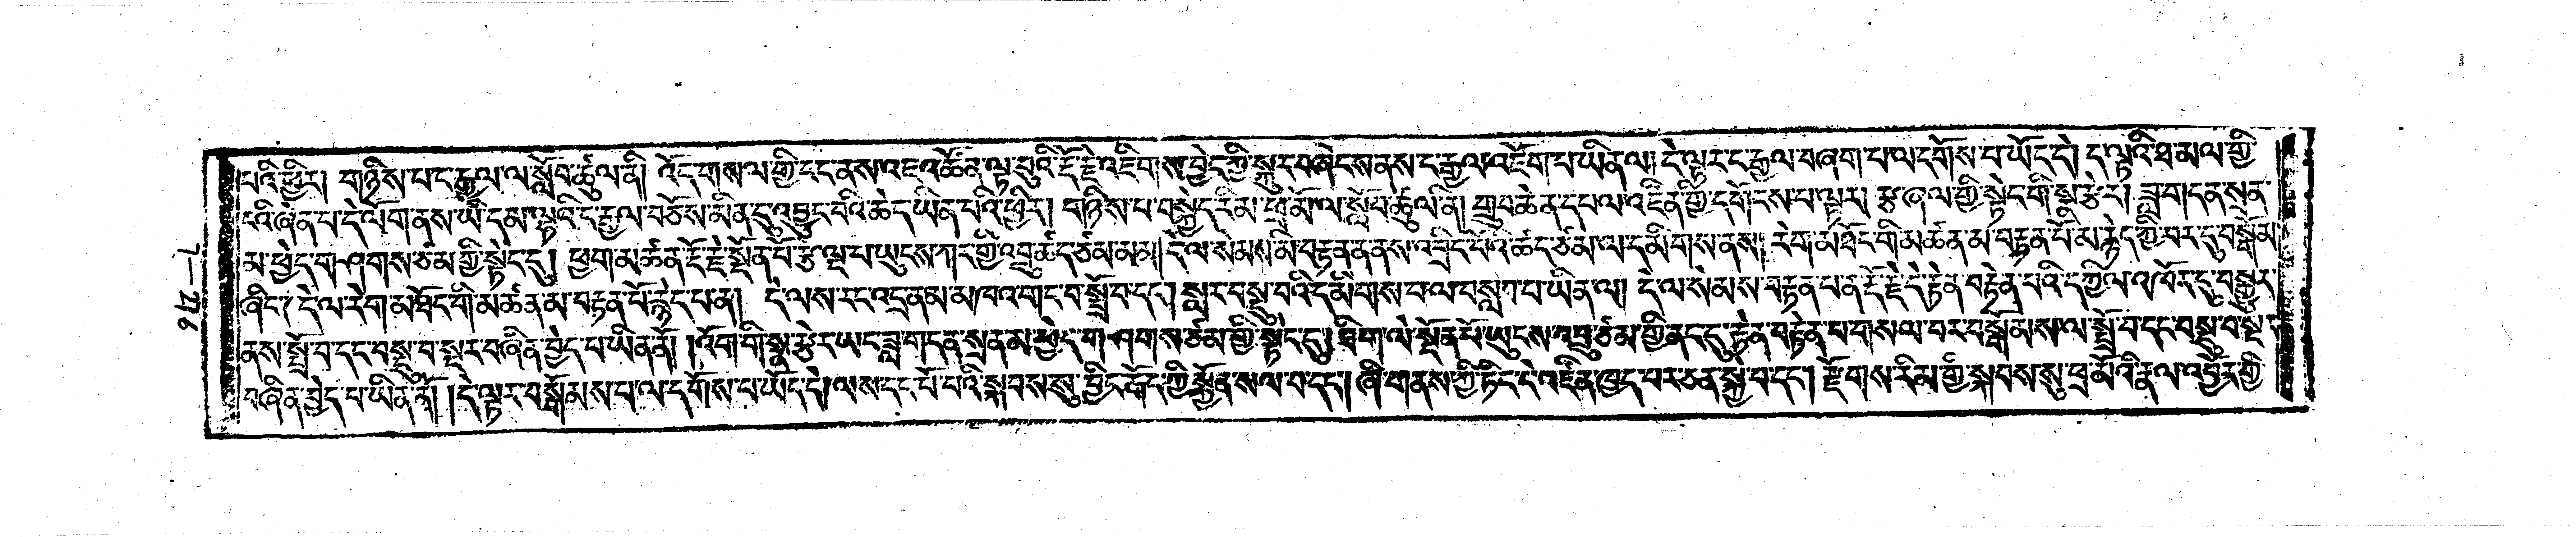པའི་ཕྱིར། གཉིས་པ་ང་རྒྱལ་ལ་སློབ་ཚུལ་ནི། འོད་གསལ་གྱི་ངང་ནས་འཇའ་ཚོན་ལྟ་བུའི་རྡོ་རྗེ་འཇིགས་བྱེད་ཀྱི་སྐུར་བཞེངས་ནས་ང་རྒྱལ་འཇོག་པ་ཡིན་ལ། དེ་ལྟར་ང་རྒྱལ་བཞག་པ་ལ་དགོས་པ་ཡོད་དེ། ད་ལྟའི་ཐ་མལ་གྱི་
ངའི་ཞེན་པ་དེ་ཡོག་ནས་ཡི་དམ་ལྷའི་ང་རྒྱལ་བཅོས་མིན་དུ་འབྱུང་བའི་ཆེད་ཡིན་པའི་ཕྱིར། གཉིས་པ་བསྐྱེད་རིམ་ཕྲ་མོ་ལ་སློབ་ཚུལ་ནི། གྲུབ་ཆེན་དཔལ་འཛིན་གྱི་དགོངས་པ་ལྟར། རྩ་ཞལ་གྱི་སྟེང་གི་སྣ་རྩེར། ཟླ་གདན་སྲད་
མ་ཕྱེད་གཤགས་ཙམ་གྱི་སྟེང་དུ། ཕྱག་མཚན་རྡོ་རྗེ་སྔོན་པོ་རྩེ་ལྔ་པ་ཡུངས་ཀར་གྱི་འབྲུ་ཚད་ཙམ་མམ། དེ་ལ་སེམས་མི་བརྟན་ན་ནས་འབྲིང་པོའི་ཚད་ཙམ་ལ་དམིགས་ནས། རེག་མཐོང་གི་མཚན་མ་བརྟན་པོ་མ་རྙེད་ཀྱི་བར་དུ་བསྒོམ་
ཞིང༑ དེ་ལ་རེག་མཐོང་གི་མཚན་མ་བརྟེན་པོ་རྙེད་པ་ན། དེ་ལས་རང་འདྲ་ནམ་མཁའ་གང་བ་སྤྲོ་བ་དང་། སླར་བསྡུ་བའི་དམིགས་པ་ལ་བསླབ་པ་ཡིན་ལ། དེ་ལ་སེམས་བརྟན་པ་ན་རྡོ་རྗེ་དེ་རྟེན་བརྟེན་པའི་དཀྱིལ་འཁོར་དུ་བསྒྱུར་
ནས་སྤྲོ་བ་དང་བསྡུ་བ་སྔར་བཞིན་བྱེད་པ་ཡིན་ནོ། །འོག་གི་སྣ་རྩེར་ཡང་ཟླ་གདན་སྲན་མ་ཕྱེད་གཤགས་ཙམ་གྱི་སྟེང་དུ། ཐིག་ལེ་སྔོན་པོ་ཡུངས་འབྲུ་ཙམ་གྱི་ནང་དུ་རྟེན་བརྟེན་པ་གསལ་བར་བསྒོམས་ལ་སྤྲོ་བ་དང་བསྡུ་བ་སྔར་
བཞིན་བྱེད་པ་ཡིན་ནོ། །དེ་ལྟར་བསྒོམས་པ་ལ་དགོས་པ་ཡོད་དེ། ལས་དང་པོ་པའི་སྐབས་སུ་བྱིང་རྒོད་ཀྱི་སྐྱོན་སེལ་བ་དང་། ཞི་གནས་ཀྱི་ཏིང་ངེ་འཛིན་ཁྱད་པར་ཅན་སྐྱེ་བ་དང་། རྫོགས་རིམ་གྱི་སྐབས་སུ་ཕྲ་མོའི་རྣལ་འབྱོར་གྱི་